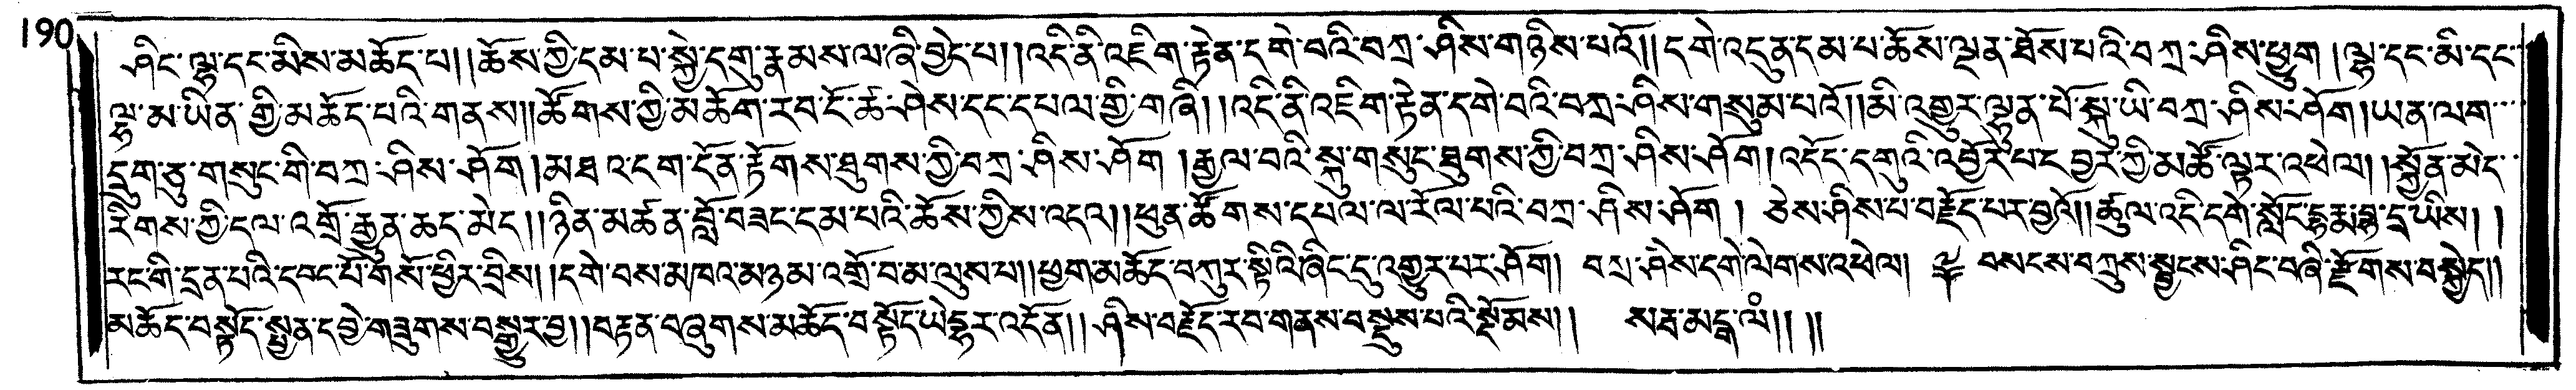ཤིང་ལྷ་དང་མིས་མཆོད་པ། །ཆོས་ཀྱི་དམ་པ་སྐྱེ་དགུ་རྣམས་ལ་ཞི་བྱེད་པ། །འདི་ནི་འཇིག་རྟེན་དགེ་བའི་བཀྲ་ཤིས་གཉིས་པའོ། །དགེ་འདུན་དམ་པ་ཆོས་ལྡན་ཐོས་པའི་བཀྲ་ཤིས་ཕྱུག །ལྷ་དང་མི་དང་
ལྷ་མ་ཡིན་གྱི་མཆོད་པའི་གནས། །ཚོགས་ཀྱི་མཆོག་རབ་ངོ་ཚ་ཤེས་དང་དཔལ་གྱི་གཞི། །འདི་ནི་འཇིག་རྟེན་དགེ་བའི་བཀྲ་ཤིས་གསུམ་པའོ། །མི་འགྱུར་ལྷུན་པོ་སྐུ་ཡི་བཀྲ་ཤིས་ཤོག །ཡན་ལག་
དྲུག་ཅུ་གསུང་གི་བཀྲ་ཤིས་ཤོག །མཐའ་དག་དོན་རྟོགས་ཐུགས་ཀྱི་བཀྲ་ཤིས་ཤོག །རྒྱལ་བའི་སྐུ་གསུང་ཐུགས་ཀྱི་བཀྲ་ཤིས་ཤོག །འདོད་དགུའི་འབྱོར་པ་དབྱར་ཀྱི་མཚོ་ལྟར་འཕེལ། །སྐྱོན་མེད་
རིགས་ཀྱི་དལ་འགྲོ་རྒྱུན་ཆད་མེད། །ཉིད་མཚན་བློ་བཟང་དམ་པའི་ཆོས་ཀྱིས་འདའ། །ཕུན་ཚོགས་དཔལ་ལ་རོལ་པའི་བཀྲ་ཤིས་ཤོག། ཅེས་ཤིས་པ་བརྗོད་པར་བྱའོ། །ཚུལ་འདི་དགེ་སློང་དྷ་རྨ་བྷ་དྲ་ཡིས། །
རང་གི་དྲན་པའི་དབང་པོ་གསོ་ཕྱིར་བྲིས། །དགེ་བས་མཁའ་མཉམ་འགྲོ་བ་མ་ལུས་པ། །ཕྱག་མཆོད་བཀུར་སྟིའི་ཞིང་དུ་འགྱུར་པ་ཤོག །བཀྲ་ཤིས་དགེ་ལེགས་འཕེལ། ༈ བསངས་བཀྲུས་སྦྱངས་ཤིང་བཞི་རྫོགས་བསྐྱེད། །
མཆོད་བསྟོད་སྤྱན་དབྱེ་གཟུགས་བསྒྱུར་བྱ། །བརྟན་བཞུགས་མཆོད་བསྟོད་ཡེདྷར་འདོན། །ཤིས་བརྗོད་རབ་གནས་བསྡུས་པའི་སྡོམས། །སརྦ་མངྒ་ལཾ།། །།